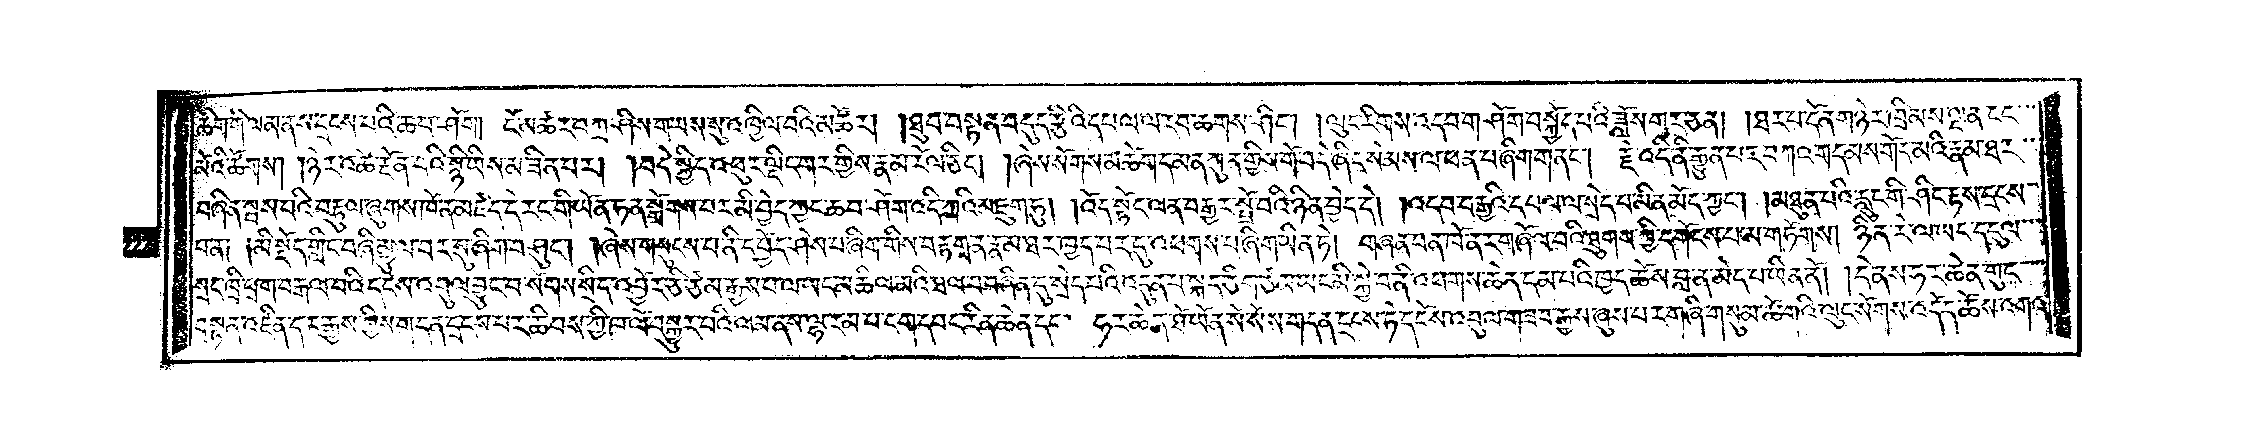ཚིག་གི་ལམ་ནས་དྲངས་པའི་ཆབ་ཤོག། ངོ་མཚར་བཀྲ་ཤིས་གཡས་སུ་འཁྱིལ་བའི་མཚོར། །ཐུབ་བསྟན་བདུད་རྩིའི་དཔལ་ལ་རབ་ཆགས་ཤིང་། །ལུང་རིགས་འདབ་གཤོག་བསྐྱོད་པའི་ཟློས་གར་ཅན། །ཐར་པ་དོན་གཉེར་ཁྲིམས་ལྡན་དང་
མོའི་ཚོགས། །ཉེར་འཚེ་རྔོན་པའི་སྙི་ཡིས་མ་ཟིན་པར། །བདེ་སྐྱིད་འཕུར་ལྡིང་གར་གྱིས་རྣམ་རོལ་ཅིང་། །ཞེས་སོགས་མཆོག་དམན་ཀུན་གྱིས་གོ་བདེ་ཞིང་སེམས་ལ་ཕན་པ་ཞིག་གནང་། རྗེ་འདི་ནི་རྒྱུན་པར་བཀའ་གདམས་གོང་མའི་རྣམ་ཐར་
བཞིན་སྤས་པའི་བརྟུལ་ཞུགས་ཁོ་ན་མཛད་དེ་རང་གི་ཡོན་ཏན་སྒྲོགས་པར་མི་བྱེད་ཀྱང་ཆབ་ཤོག་འདི་ཀའི་མཇུག་ཏུ། །འོད་སྟོང་ལན་བརྒྱར་སྤྲོ་བའི་ཉིན་བྱེད་དེ། །འདབ་བརྒྱའི་དཔལ་ལ་སྲེད་པ་མིན་མོད་ཀྱང་། །མཐུན་པའི་རླུང་གི་ཤིང་རྟས་དྲངས་
པ་ན༑ ༑མི་སྡོད་གླིང་བཞི་མྱུལ་བར་སུ་ཞིག་བཤུང་། །ཞེས་གསུངས་པ་ནི་དཔྱོད་ཤེས་པ་ཞིག་གིས་བརྟགས་ན་རྣམ་ཐར་ཁྱད་པར་དུ་འཕགས་པ་ཞིག་ཡིན་ཏེ། གཞན་ཕན་ཁོ་ནར་གཞོལ་བའི་ཐུགས་ཀྱི་དགོངས་པ་མ་གཏོགས། ཉིན་རེ་ལ་ཡང་དངུལ་
སྲད་ཁྲི་ཕྲག་བརྒྱལ་བའི་དངོས་འབུལ་བྱུང་བ་སོགས་སྲིད་འབྱོར་ཅི་ཙམ་རྒྱས་པ་ལ་ཡང་མཆིལ་མའི་ཐལ་བ་བཞིན་དུ་སྲེད་པའི་འདུན་པ་སྐད་ཅིག་ཙམ་ཡང་མི་སྐྱེ་བ་ནི་འཕགས་ཆེན་དམ་པའི་ཁྱད་ཆོས་བླ་ན་མེད་པ་ཡིན་ནོ། །དེ་ནས་ཧར་ཆེན་གུང་
བསྟན་འཛིན་དར་རྒྱས་ཀྱིས་གདན་དྲངས་པར་ཆིབས་ཀྱི་ཁ་ལོ་བསྒྱུར་བའི་ལམ་ནས་ལྷ་རམ་པ་ངག་དབང་རིན་ཆེན་དང་ཧར་ཆེན་ཐོ་ཡོན་སོ་སོས་གདན་དྲངས་ཏེ་དངོས་འབུལ་གཟབ་རྒྱས་ཞུས་པར་གཞི་གསུམ་ཆོ་གའི་ལུང་སོགས་འདོད་ཆོས་འགའ་